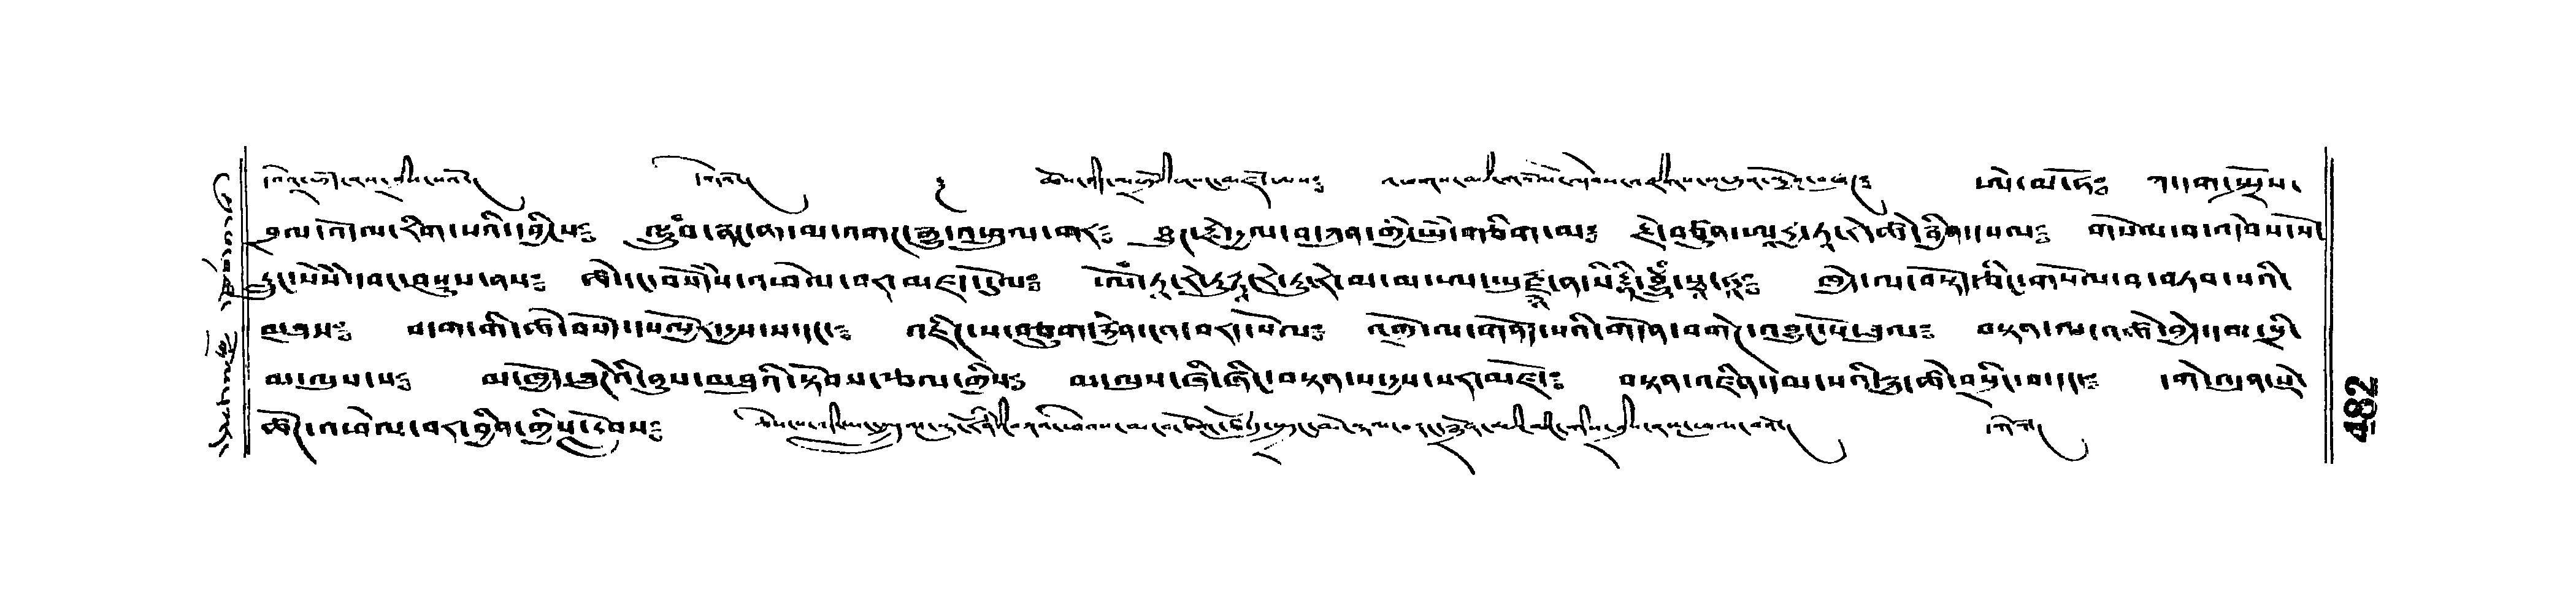དབེན་ཕྲོད་ནས་བྲིས་པའོ།། དགེའོ།། ༈ ཆོས་ཉིད་མཁའ་འགྲོའི་གསང་མཛོད་ལས༔ འཕགས་མའི་གསོལ་འདེབས་འཇིགས་པ་ཀུན་སྐྱོབ་བཞུགས༔ ཨེ་མ་ཧོཿ ཀ་དག་སྤྲོས་
བྲལ་འོད་གསལ་རིག་པའི་དབྱིངས༔ ལྷུན་གྲུབ་སྣང་ཆ་མ་འགགས་སྒྱུ་འཕྲུལ་གར༔ ཐུགས་རྗེ་རྒྱལ་བ་ཀུན་གྱི་ཡུམ་གཅིག་མ༔ རྗེ་བཙུན་ཨཱརྻ་ཏཱ་རེ་ཚེ་སྦྱིན་དཔལ༔ གསོལ་བ་འདེབས་སོ་
རླུང་སེམས་དབང་བསྡུས་ནས༔ ཚེ་དང་བསོད་ནམས་འཕེལ་བར་མཛད་དུ་གསོལ༔ ཨོཾ་ཏཱ་རེ་ཏུཏྟཱ་རེ་ཏུ་རེ་མ་མ་ཨ་ཡུརྫྙཱ་ན་སིདྡྷི་བྷྲཱུྃ་སྭཱ་ཧཱཿ ཁྱེད་ལ་བསྟོད་ཅིང་གསོལ་བ་བཏབ་པའི་
མཐུས༔ བདག་གི་ཚེ་བསོད་དཔལ་འབྱོར་རྒྱས་པ་དང༔ འཇིགས་པ་བཅུ་དྲུག་རྐྱེན་ངན་བར་ཆད་སོལ༔ འགྲོ་ལ་གནོད་པའི་གདོན་བགེགས་འབྱུང་པོ་ཐུལ༔ བསྟན་ལ་འཚེ་བྱེད་དམ་སྲི་
མ་ལུས་པ༔ མ་ཁྱོད་ཐུགས་རྗེ་ནུས་མཐུའི་སྟོབས་རྩལ་གྱིས༔ མ་ལུས་ཞི་ཞིང་བསྟན་པ་རྒྱས་པར་མཛོད༔ བསྟན་འཛིན་དམ་པའི་སྐུ་ཚེ་བསྲིང་བ་དང༔ དགེ་འདུན་སྡེ་
ཚོགས་འཕེལ་བར་བྱིན་གྱིས་རློབས༔ ཅེས་པ་འདི་ཡང་སྤྲུལ་སྐུ་རིན་པོ་ཆེའི་བཀའ་ཕེབས་མ་བཅག་ཙམ་དུ་སྤྲང་མོ་སྐལ་བཟང་སྒྲོན་མའི་མིང་གིས་བྲིས་ནས་ཕུལ་བའོ།།དགེའོ།།